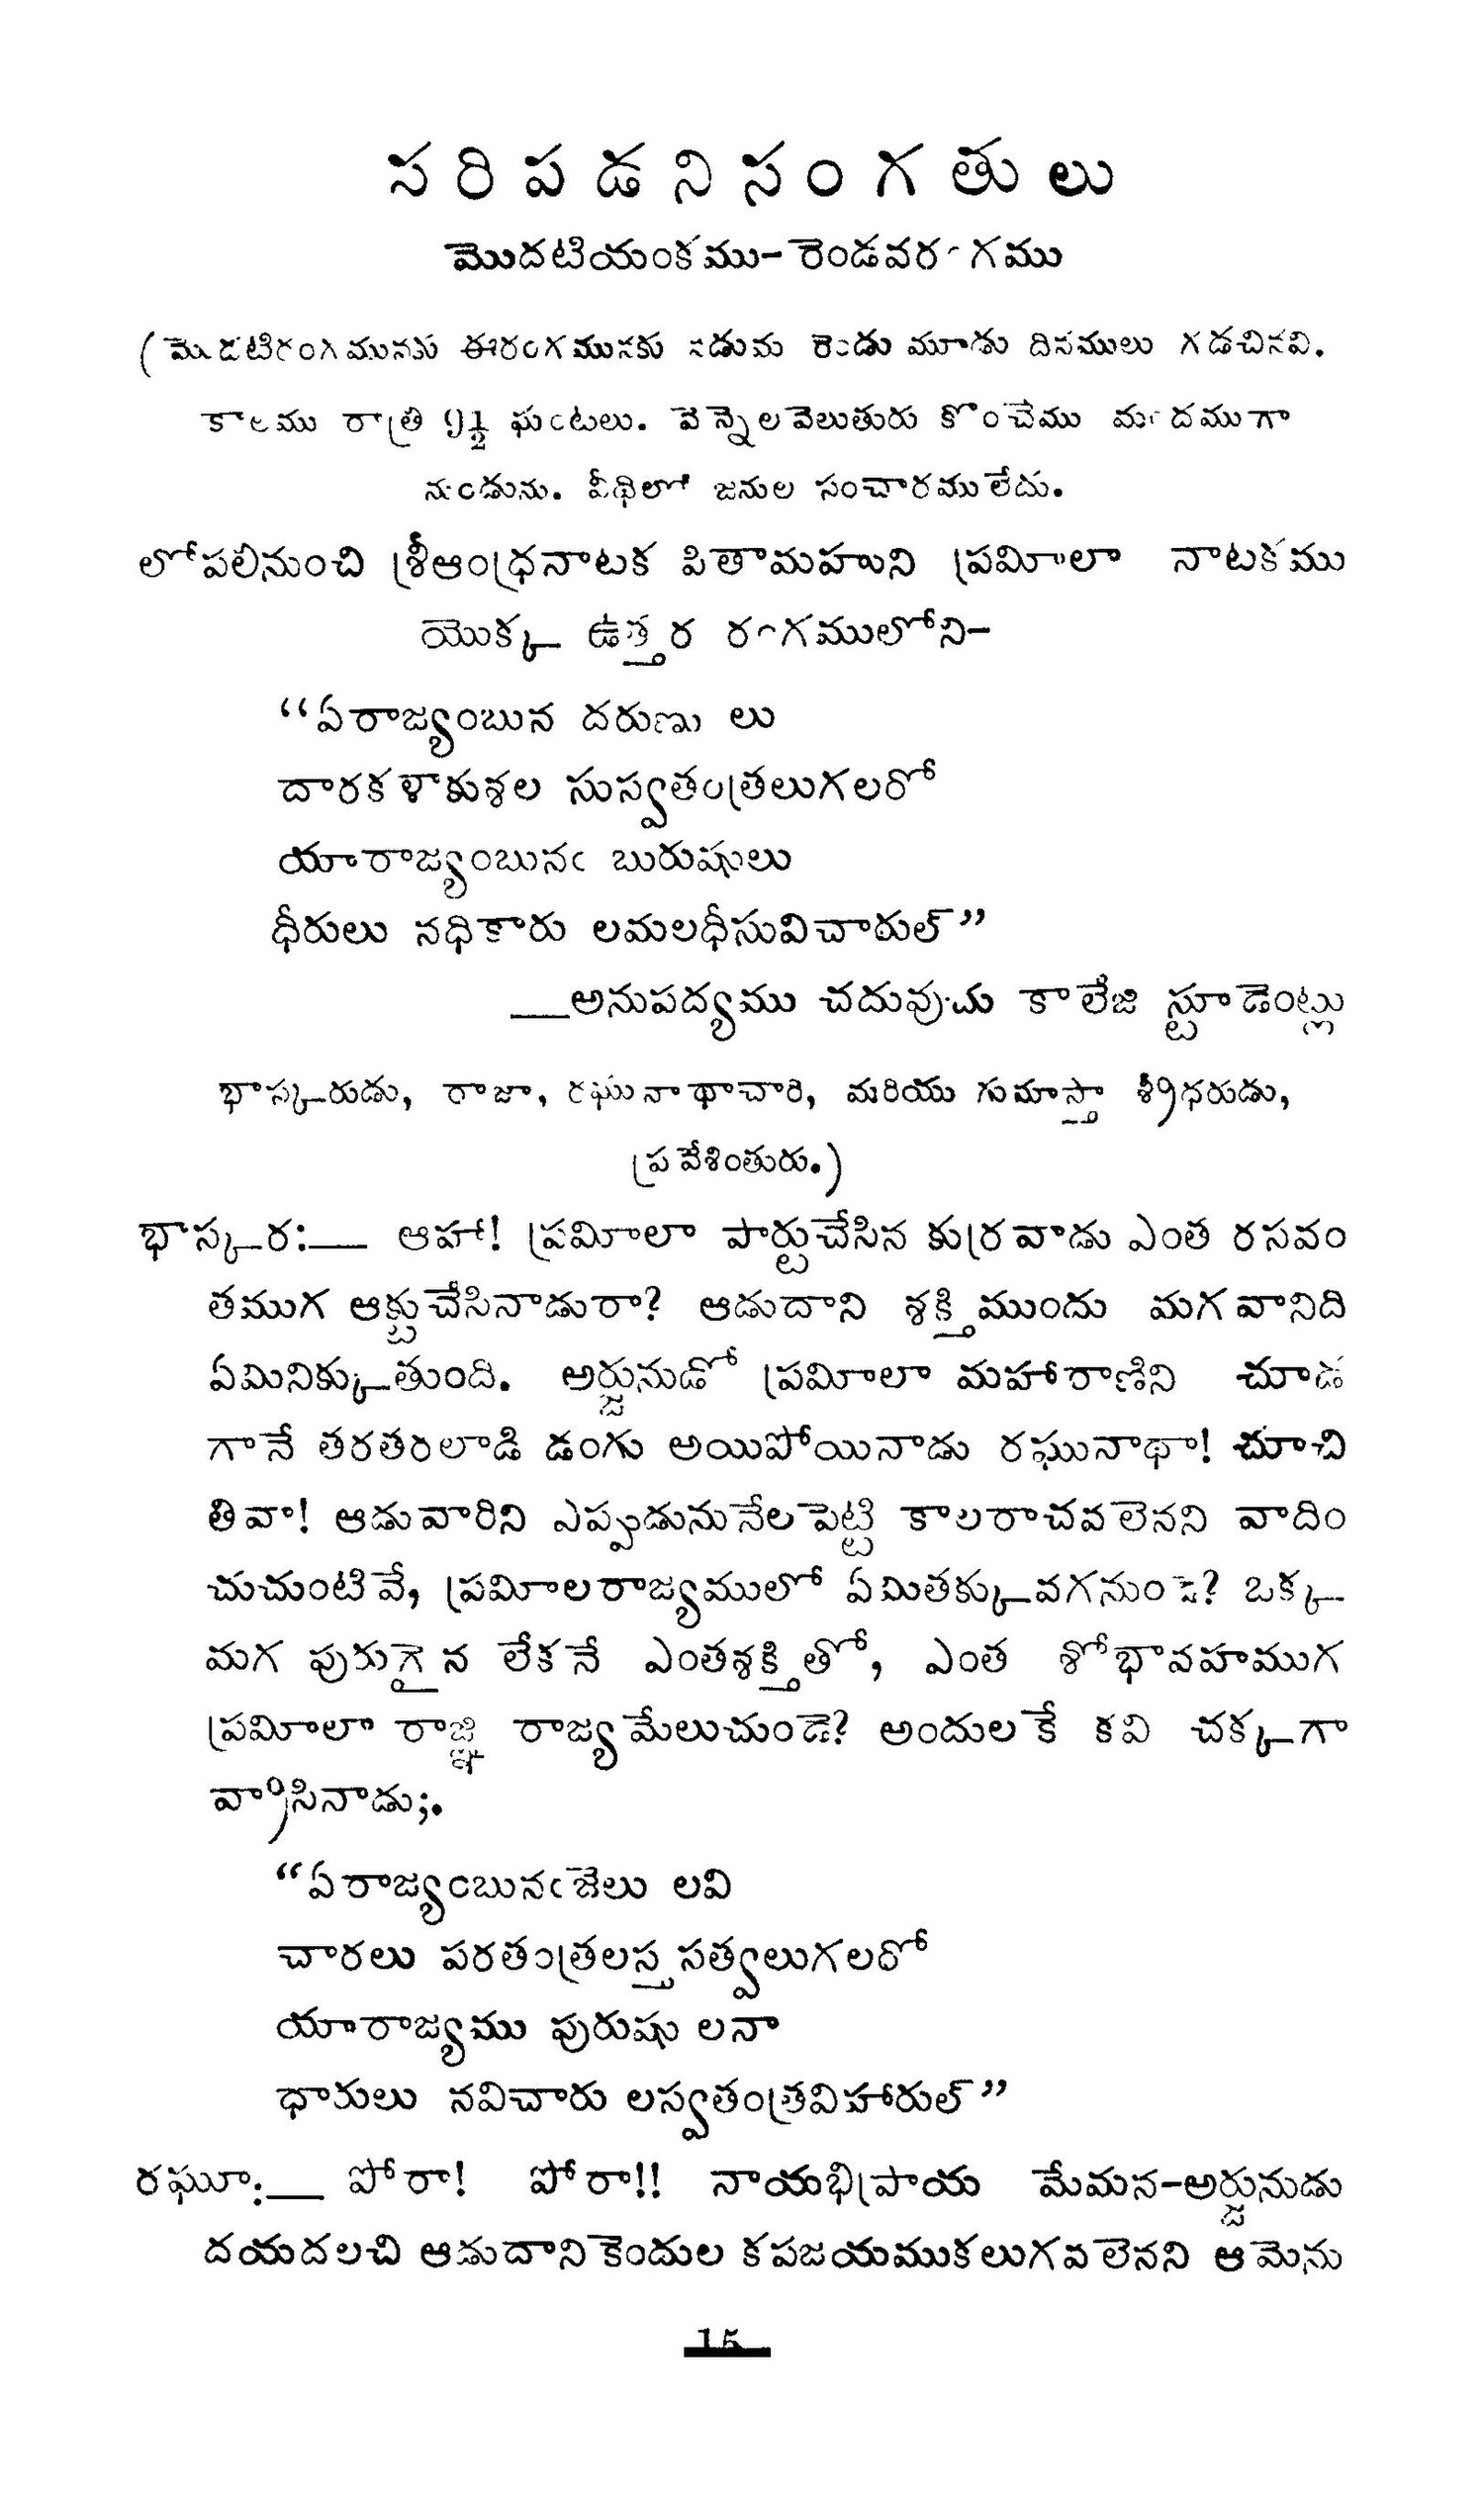(మొదటిరంగమునకు ఈరంగమునకు నడుమ రెండుమూడు దినములు కాలము రాత్రి 9 1/2 ఘంటలు, వెన్నెల వెలుతురు కొంచెము మందముగా నుండును. వీదిలొ జనుల సంచారములేదు.

లోపలినుంచి శ్రీఆంధ్రనాటక పితామహుని ప్రమీలా నాటకము యొక్క ఉత్తర రంగములోని-

 "ఏరాజ్యంబున దరుణు లు 
 దారకళాకుశల సుస్వతంత్రలుగలరో
 యారాజ్యంబున బురుషులు
 ధీరులు నదికారు లమధీసువిచారుల్" 

భాస్కర:--ఆహా! ప్రమీలా పార్టుచేసిన కుర్రవాడు ఎంత రసవంతముగ ఆక్టుచేసినాడురా? ఆడుదాని శక్త్రిముందు మగవానిది ఏమినిక్కుతుంది. అర్జునుడో ప్రమీలా మహారాణిని చూడగానే తరతరలాడి డంగు అయిపోయినాడు రఘునాధా! చూచితివా! ఆడువారిని ఎప్పుడునునేలపెట్టి కాలరాచవలెనని వారించు చుంటివే, ప్రమీలారాజ్యములో ఏమి తక్కువగ నుండె? ఒక్క మగపురుగైన లేకనే ఎంతశక్తితొ, ఎంత శోభావహముగ ప్రమీలా రాజ్ఞ రాజ్యమేలుచుండె? అందులకే కవి చక్కగా వ్రాసినాడు;.

 "ఏరాజ్యంబున జెలు లవి
 చారలు పరతంత్రలస్తసత్వలుగలదో
 యారాజ్యము పురుషు లవా
 ధారులు నవిచారు లస్వతంత్రవిహారుల్"

రఘూ:-- పోరా! పోరా!! నాయభిప్రాయ మేమన-అర్జునుడు దలదలచి ఆడుదాని కెందుల కపజయము కలుగవలెనని ఆమెను